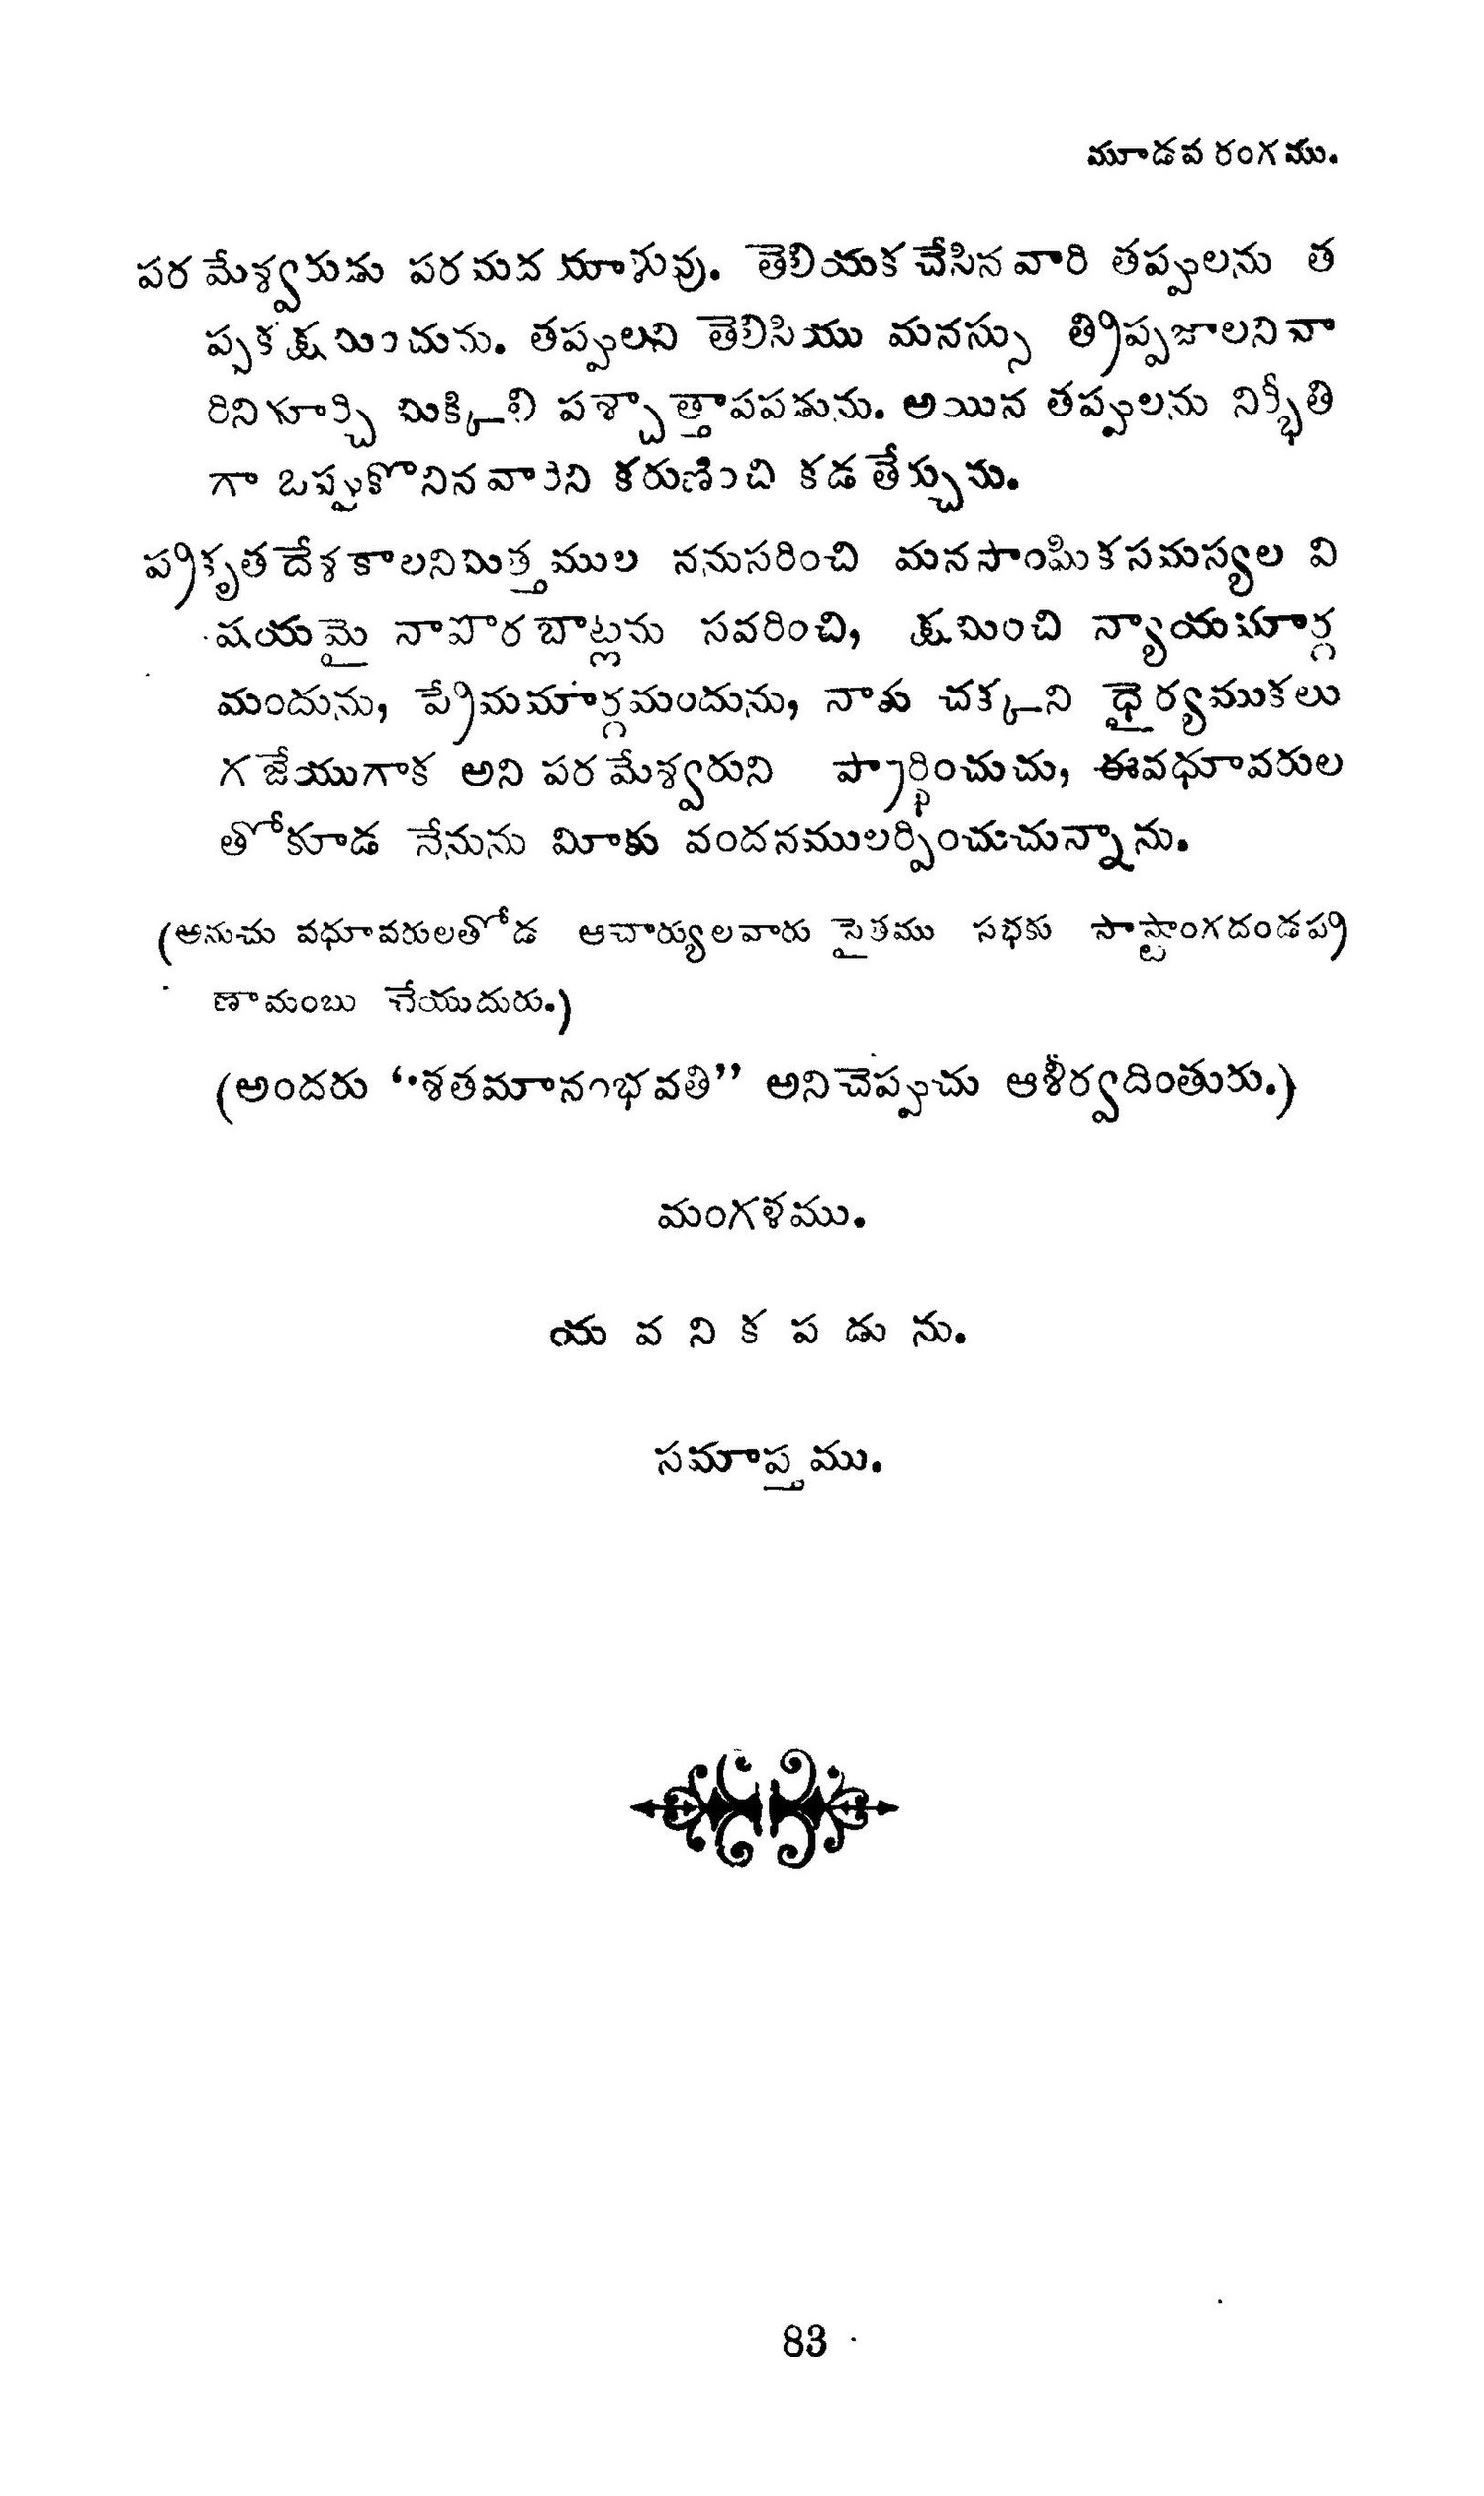పరమేశ్వరుడు పరమదయాళువు. తెలియక చేసినవారి తప్పులను తప్పక క్షమించును. తప్పులని తెలిసియు మనస్సు త్రిప్పజాలని దానినిగూర్చి మిక్కిలి పశ్చాత్తాపపడును. ఆయన తపులను నిర్భీతిగా ఒప్పుకొనిన వారిని కరుణింవి కడతేర్చును.

ప్రకృత దేశకాలనిమిత్తముల ననుసరించి మనసాంఘిక సమస్యల విషయమై నాపొరబాట్లను సవరించి, క్షమించి న్యాయమార్గమందును, ప్రేమమార్గ మందును, నాకు చక్కని ధైర్యము కలుగ జేయుగాక అని పరమేశ్వరుని ప్రార్దించుచు, ఈవధూవరులతొకూడ నేనును మీకు వందనములర్పించు చున్నాను.

(అనుచు వధూవరులతొడ ఆచార్యులవారు సైతము సభకు సాస్టాంగదండప్రమాణములు చేయుదురు.)